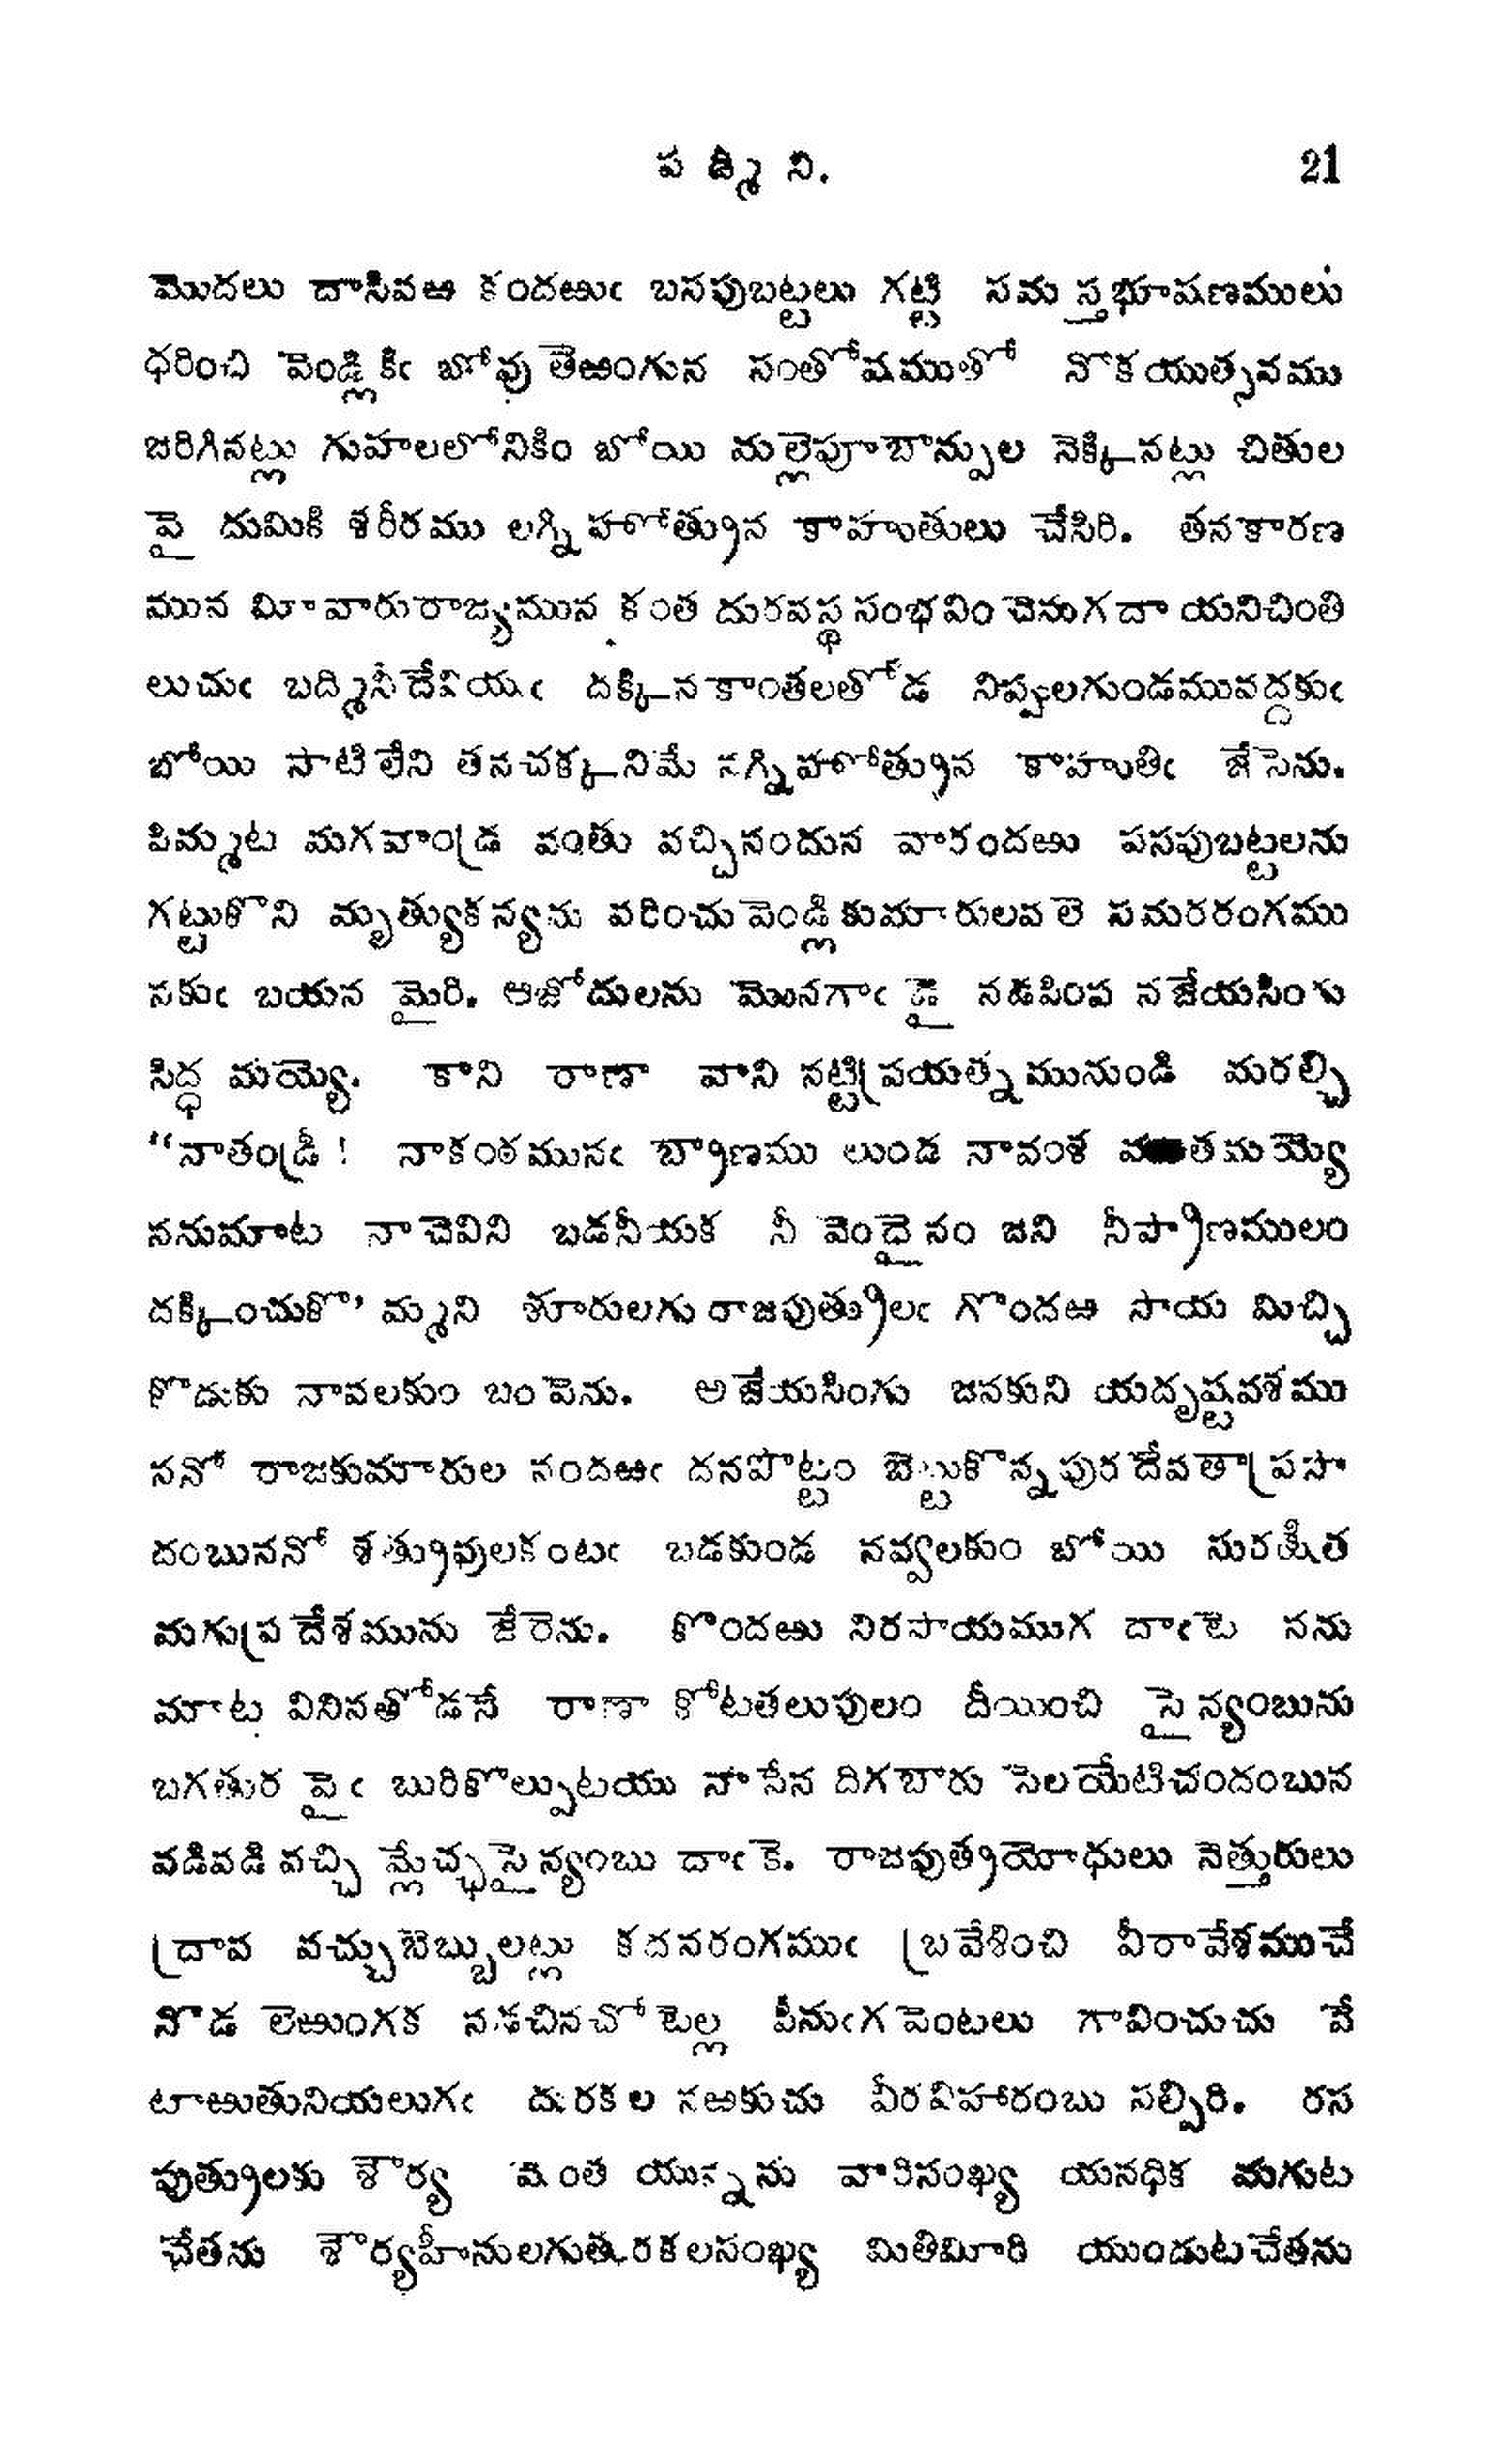మొదలు దాసివఱ కందఱుఁ బసపుబట్టలు గట్టి సమస్త భూషణములు ధరించి 'పెండ్లికిఁ బోవు తేఱంగున సంతోషముతో నొక యుత్సవము జరిగినట్లు గుహలలోనికిం బోయి మల్లెపూబాన్పుల నెక్కినట్లు చితుల పై దుమికి శరీరము అగ్ని హోత్రున 'కాహుతులు చేసిరి. తన కారణమున మీవారు రాజ్యమున, కంత దురవస్థ సంభవిం చెనుగదా యనిచింతిలుచుఁ బద్మినీ దేవియుఁ దక్కిన కాంతలతోడ నిప్పుల గుండమువద్దకుఁ బోయి సాటి లేని తనచక్కనిమే నగ్నిహోత్రున 'కాహుతిఁ జేసెను. పిమ్మట మగవాండ్ర వంతు వచ్చినందున వారందఱు పసపుబట్టలను గట్టుకొని మృత్యుకన్యను వరించు పెండ్లి కుమారులు వలె సమరరంగము నకుఁ బయన మైరి. ఆజోదులను 'మొనగాఁ డై నడపింప నజేయసింగు సిద్ధ మయ్యె. కాని రాణా వాని నట్టి ప్రయత్నమునుండి మరల్చి “నాతండ్రీ ! నాకంఠమునఁ బ్రాణము లుండ నావంశ మంతమయ్యే ననుమాట నా చెవిని బడనీయక నీ వెందైనం జని నీప్రాణములం దక్కించుకోమ్మని శూరులగు రాజపుత్రులఁ గొందఱ సాయ మిచ్చి కొడుకు నావలకుం బంపెను. అజేయసింగు జనకుని యదృష్టవశము ననో రాజకుమారుల నందఱఁ దనపొట్టం బెట్టుకొన్న పుర దేవతాప్రసాదంబుననో శత్రువులకంట బడకుండ నవ్వలకుం బోయి సురక్షిత మగుప్రదేశమును జేరెను.కొందఱు నిరపాయముగ దాఁటె నను మాట వినిన తోడనే రాణా కోటతలుపులం దీయించి సైన్యంబును బగతుర పైఁ బురికొల్పుటయు నా సేన దిగబారు 'సెలయేటి చందంబున వడివడి వచ్చి మ్లేచ్ఛసైన్యంబు దాఁ కె. రాజపుత్ర యోధులు నెత్తురులు ద్రావ వచ్చు బెబ్బులట్లు కదనరంగముఁ బ్రవేశించి వీరావేశముచే నొడ లెఱుంగక నడచినచో టెల్ల పీనుఁగ పెంటలు గావించుచు 'వేటాఱుతునియలుగఁ దురకల నఱకుచు వీరవిహారంబు సల్పిరి.రస పుతులకు శౌర్య మెంత యున్నను వారిసంఖ్య యనధిక మగుట చేతను శౌర్యహీనులగుతురకలసంఖ్య మితిమీరి యుండుట చేతను